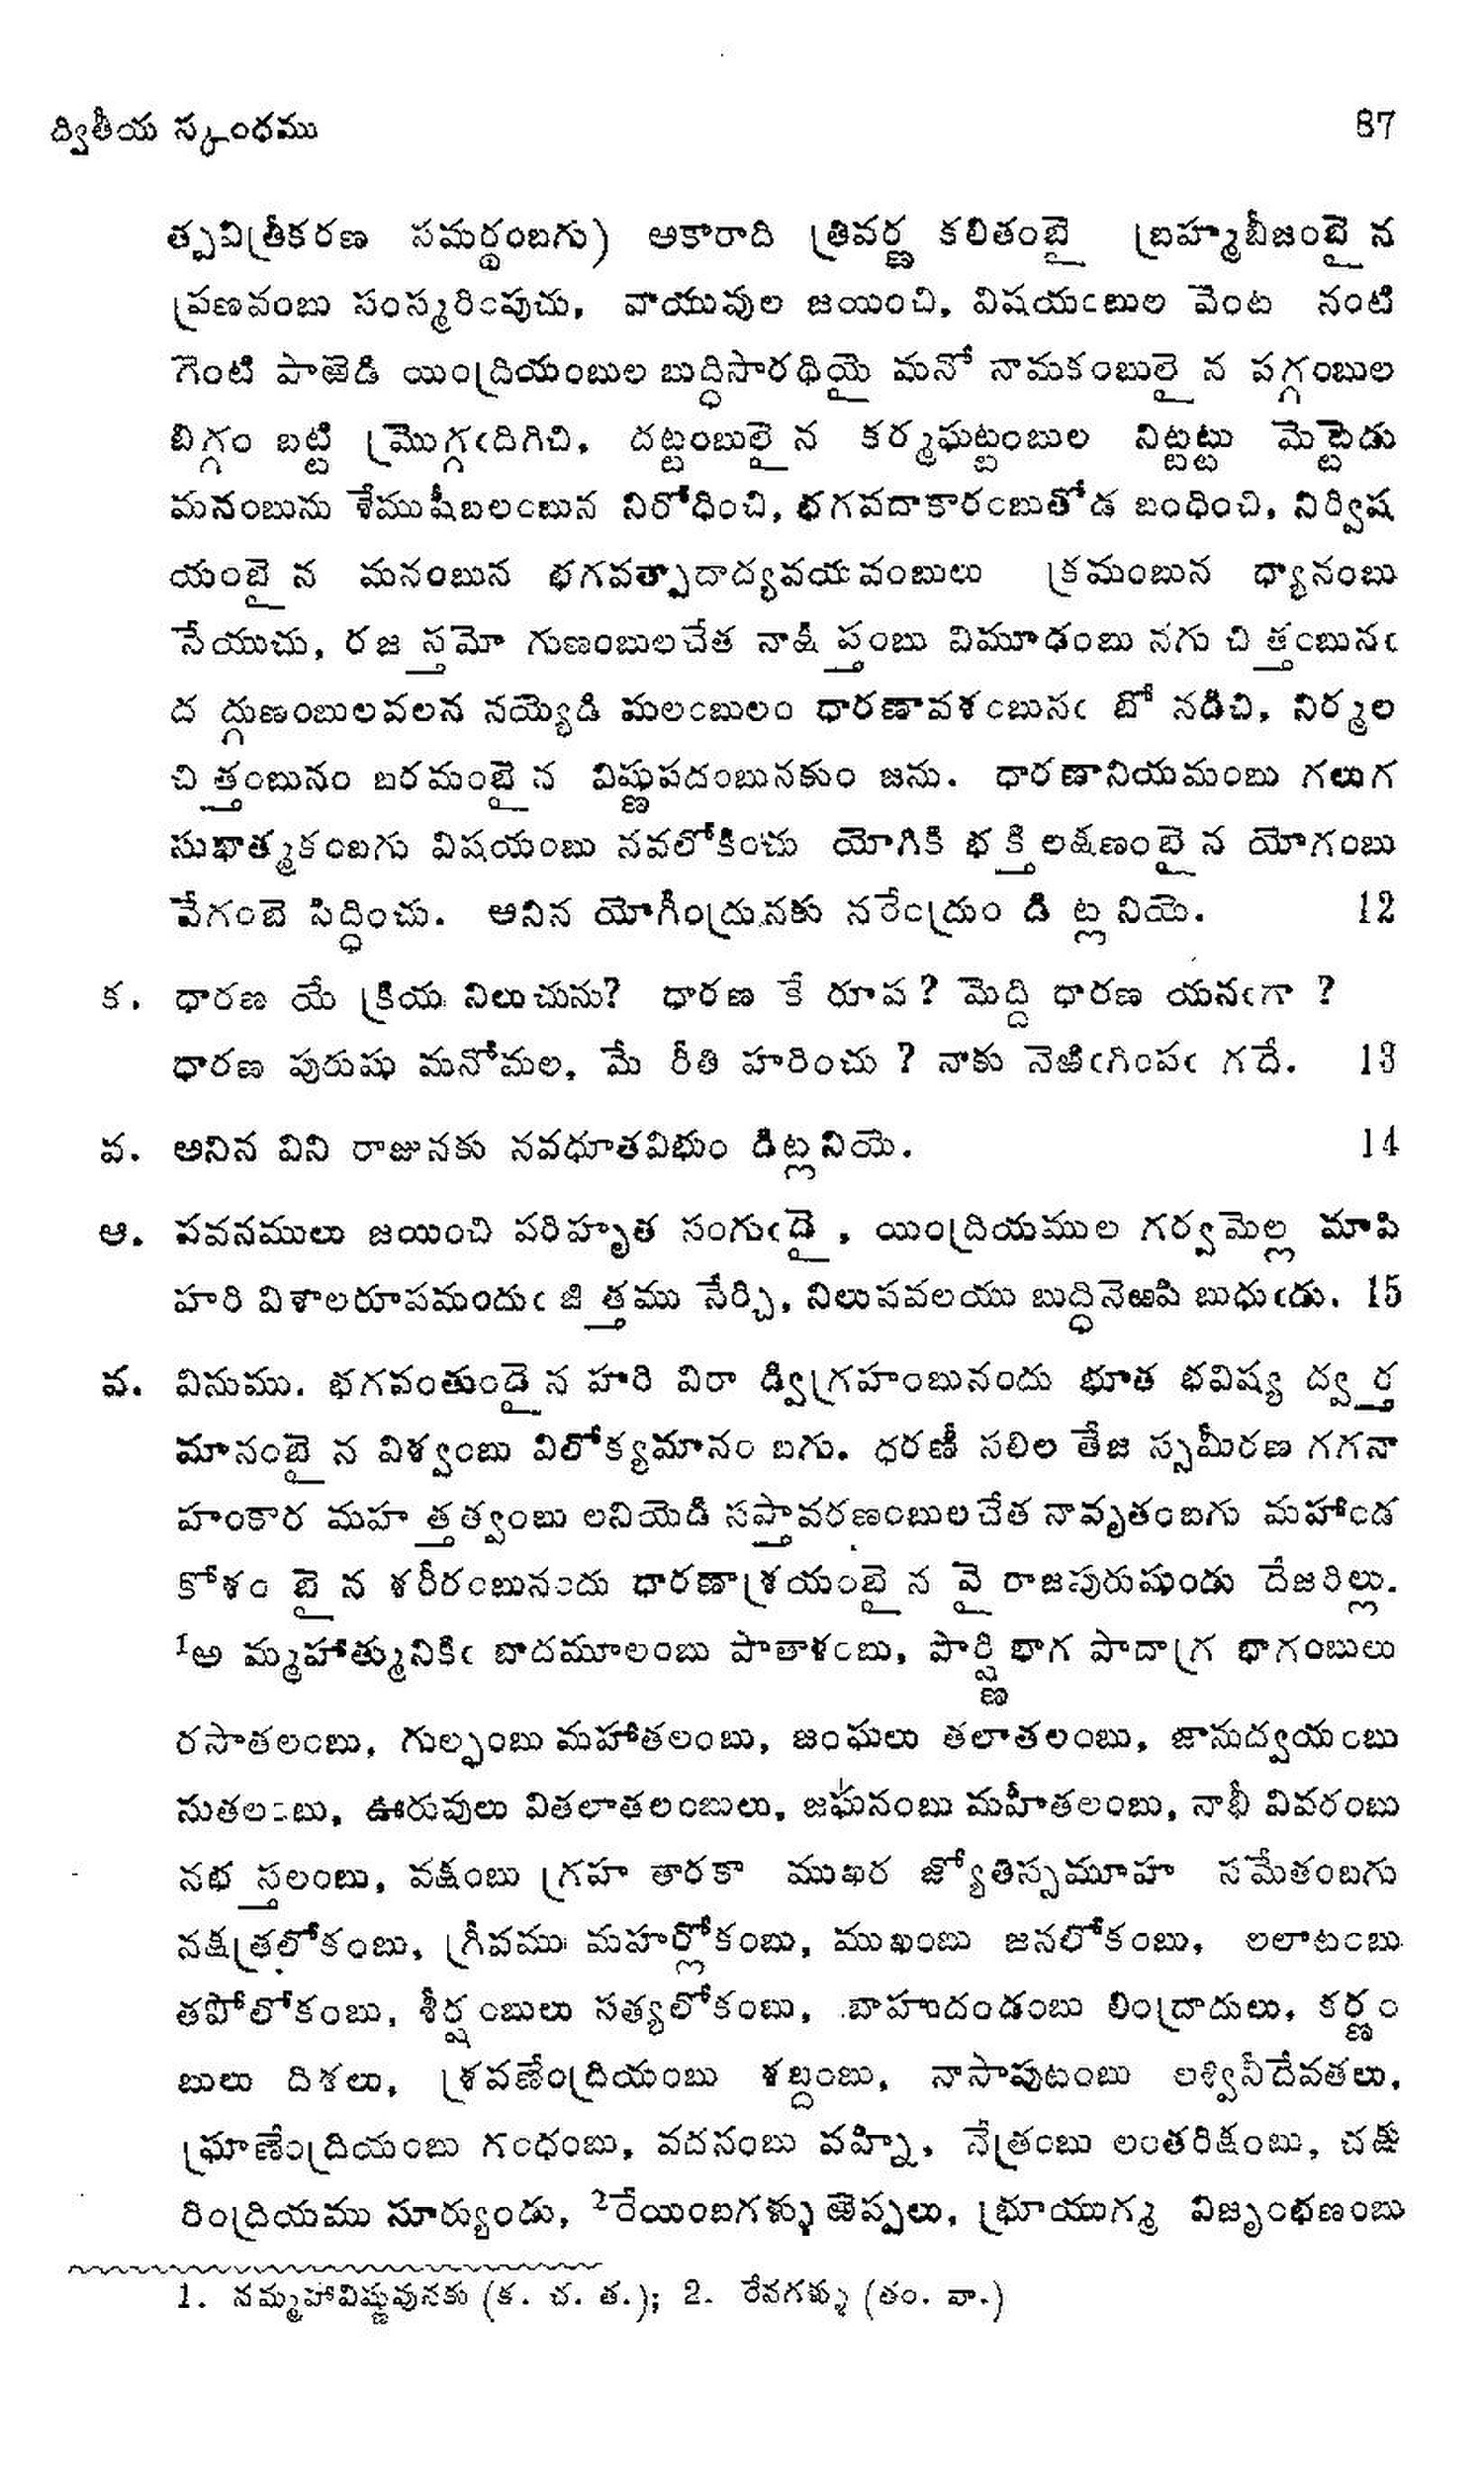87

త్పవిత్రీకరణ సమర్థంబగ ) అకారాది 

త్రివర్ణ కలితంబైన ప్రణవంబు సంస్మరింపుచు, వాయువుల జయించి, విషయంబుల వెంట నంటిగెంటి పాఱెడి యింద్రియంబుల బుద్ధిసారథియై మనో నామకంబులైన 

పగ్గంబుల బిగ్గం బట్టి మ్రొగ్గఁదిగిచి, దట్టంబులైన కర్మఘట్టంబుల నిట్టట్టు మెట్టెడు మనంబును శేముషీ బలంబున నిరోధించి, భగవదాకారంబుతోడ బంధించి, 

నిర్విషయంబైన మనంబున భగత్పాదాద్యవయవంబులు క్రమంబున ధ్యానంబు సేయుచు, రజస్తమోగుణంబులచేత నాక్షిప్తంబు విమూఢంబు నగు చిత్తంబునఁ 

దద్గుణంబులవలన నయ్యెడి మలంబులం ధారణావశంబునఁ బో నడిచి, నిర్మల చిత్తంబునం బరమంబైన విష్ణుపదంబునకుం జను. ధారణా నియమంబు గలిగి 

సుఖాత్మకంబగు విషయంబు నవలోకించు యోగికి భక్తిలక్షణంబైన యోగంబు వేగంబె సిద్ధించు ననిన యోగీంద్రునకు నరేంద్రుం డిట్లనియె. (12)

క. ధారణ యే క్రియ నిలుచును ? ధారణ కే రూప ? మెద్ది | ధారణ యనఁగా ?

ధారణ పురుషు మనోమల, మే రీతి హరించు ? నాకు | నెఱిఁగింపఁ గదే. (13)

వ. అనిన విని రాజునకు నవధూతవిభుం డిట్లనియె. (14)

ఆ. పవనములు జయించి | పరిహృత సంగుఁడై, యింద్రియముల గర్వ | మెల్ల మాపి

హరి విశాలరూప | మందుఁ జిత్తము సేర్చి, నిలుపవలయు బుద్ధినెఱపి | బుధుఁడు. (15)

వ. వినుము భగవంతుడైన హరి విరాడ్విగ్రహంబునందు భూత భవిష్య ద్వర్తమానంబైన విశ్వంబు విలోక్యమానం బగు. ధరణీ సలిల తేజ స్పమీరణ గగనాహంకార 

మహత్తత్వంబు లనియెడి సప్తావరణంబులంచేత నావృతంబగ మహాండ కోశంబైన శరీరంబునందు ధారణాశ్రయంబైన వైరాజపురుషుండు దేజరిల్లు. అ మ్మహాత్మునికిఁ 

బాదమూలంబు పాతాళంబు, పాష్ణి౯భాగ పాదాగ్ర భాగంబులు రసాతలంబు, గుల్ఫంబు మహాతలంబు, జంఘలు తలాతలంబు, జానుద్వయంబు సుతలంబు, ఊరవులు 

వితలాతలంబులు, జఘనంబు మహీతలంబు నాభీవివరంబు నభస్తలంబు వక్షంబు గ్రహ తారకా ముఖర జ్యోతిస్స్మూహ సమేతంబగు నక్షత్రలోకంబు, గ్రీవము 

మహర్లోకంబు, ముఖంబు జనలోకంబు, లలాటంబు తపోలోకంబు, శీర్షంబులు సత్యలోకంబు, బాహుదండంబు లింద్రాదులు, కర్ణంబులు దిశలు, శ్రవణేంద్రితంబు శబ్దంబు, 

నాసాపుటంబు లశ్వనీదేవాతలు, ఘ్రాణేంద్రియంబు గంథంబు, వదరంబు వహ్ని, నేత్రంబు లంతరిక్షంబు, చక్షురింద్రితము సూర్యుండు, రేయింబగళ్ళి ఱెప్పలు, భ్రూయుగ్మ 

విజృంభణంబు